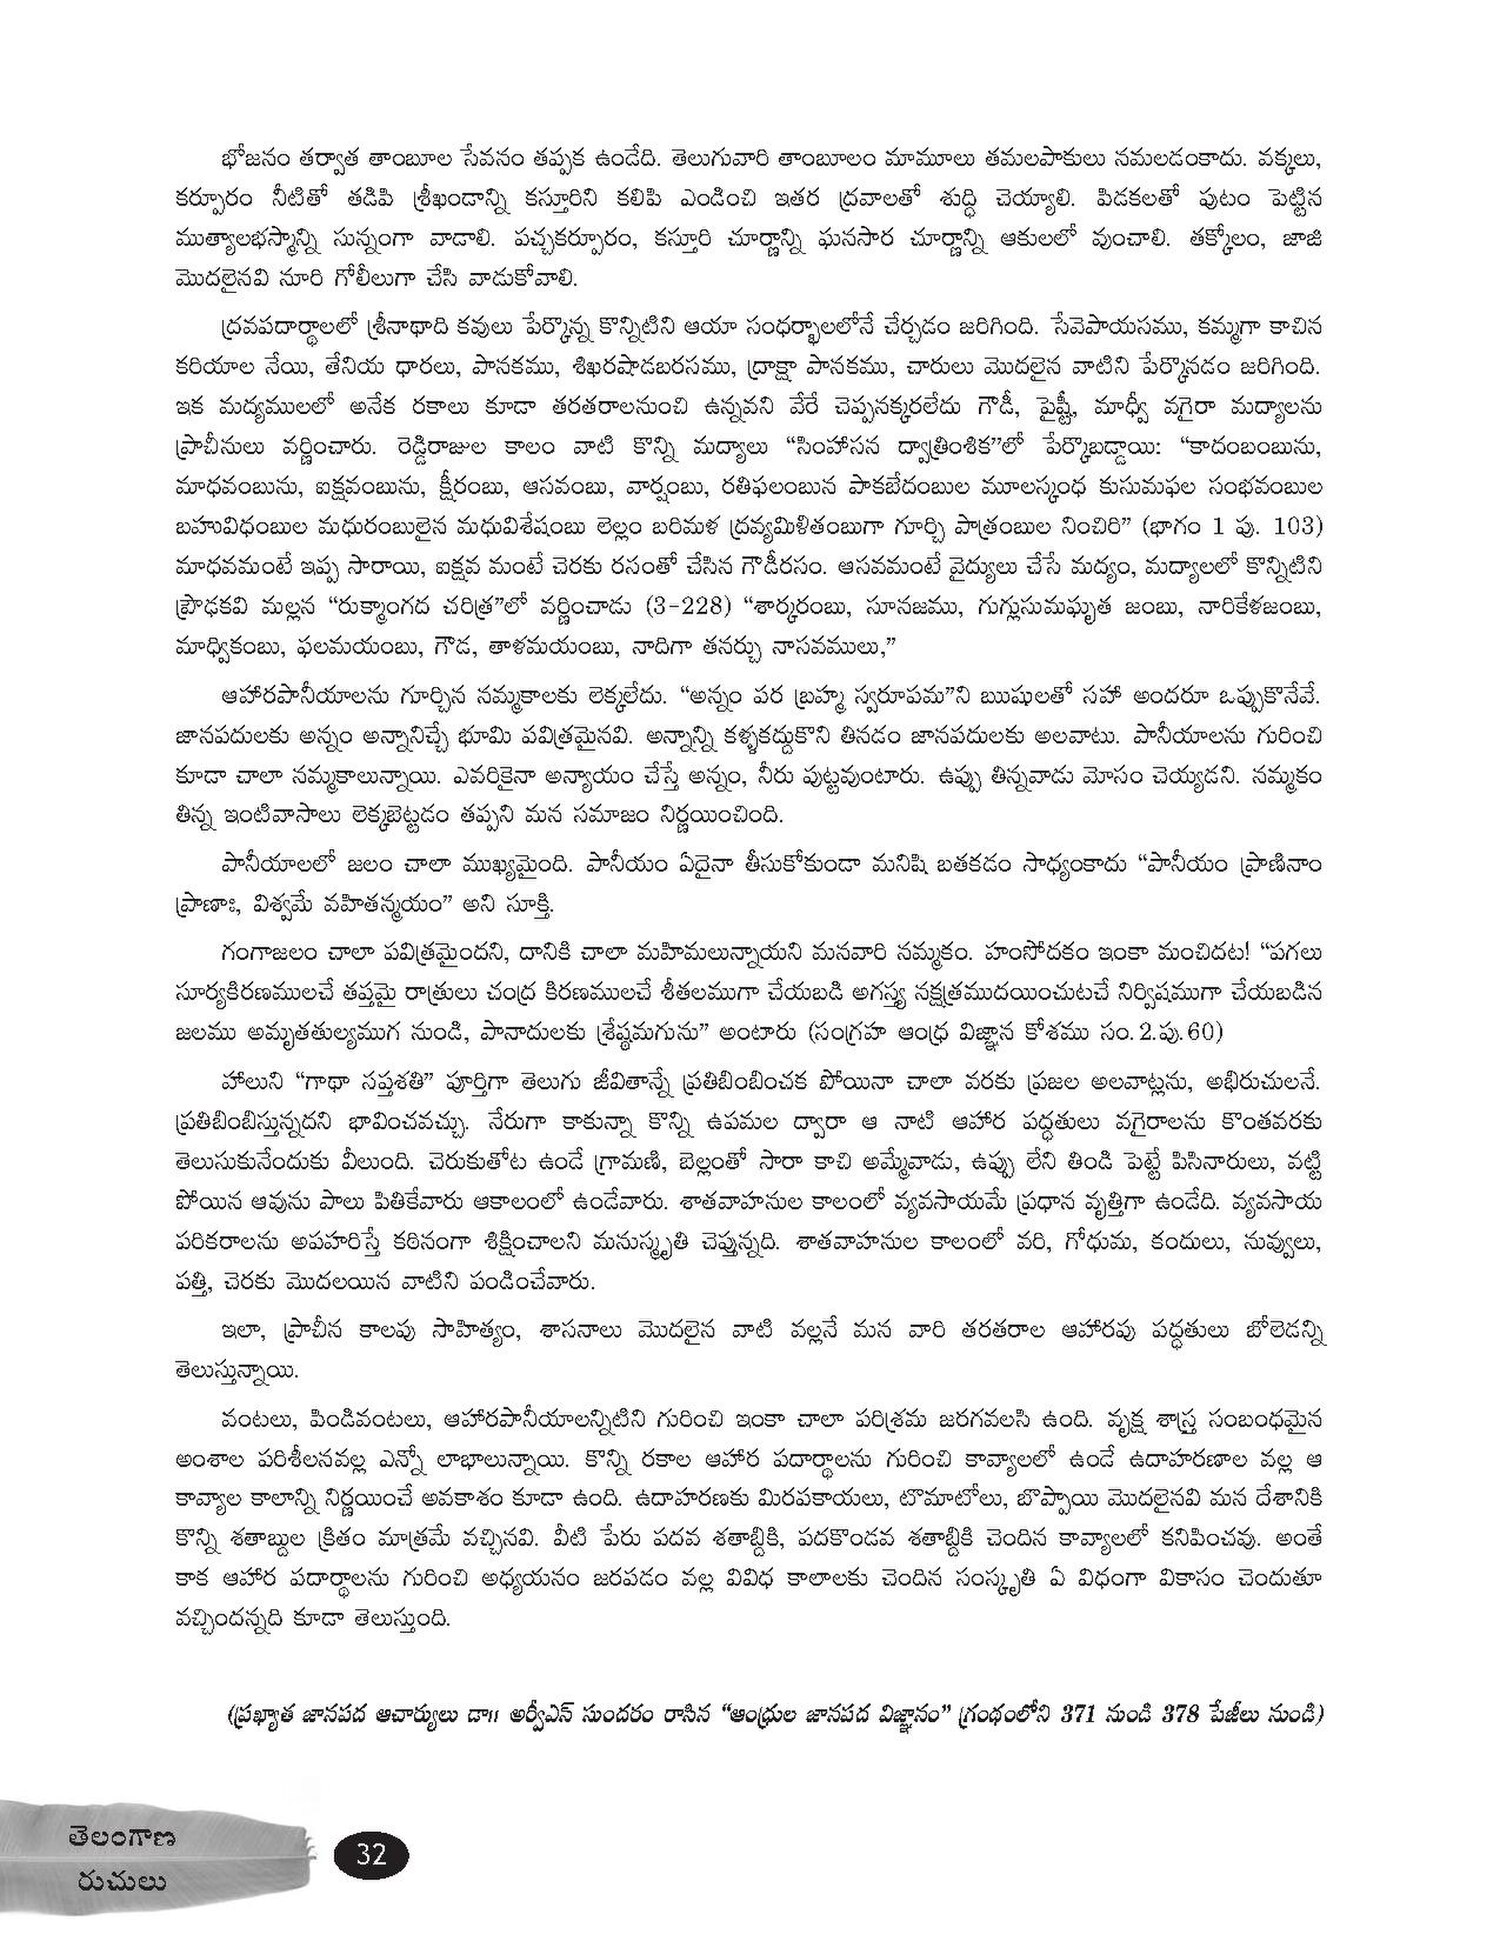భోజనం తర్వాత తాంబూల సేవనం తప్పక ఉండేది. తెలుగువారి తాంబూలం మామూలు తమలపాకులు నమలడం కాదు. వక్కలు, కర్పూరం నీటితో తడిపి శ్రీఖండాన్ని కస్తూరిని కలిపి ఎండించి ఇతర ద్రవాలతో శుద్ధి చెయ్యాలి. పిడకలతో పుటం పెట్టిన ముత్యాల భస్మాన్ని సున్నంగా వాడాలి. పచ్చకర్పూరం, కస్తూరి చూర్ణాన్ని ఘనసార చూర్ణాన్ని ఆకులలో వుంచాలి. తక్కోలం, జాజి మొదలైనవి నూరి గోలీలుగా చేసి వాడుకోవాలి.

ద్రవపదార్థాలలో శ్రీనాథాది కవులు పేర్కొన్న కొన్నిటిని ఆయా సంధర్భాలలోనే చేర్చడం జరిగింది. సేవెపాయసము, కమ్మగా కాచిన కరియాల నేయి, తేనియ ధారలు, పానకము, శిఖరషాడబరసము, ద్రాక్షా పానకము, చారులు మొదలైన వాటిని పేర్కొనడం జరిగింది. ఇక మద్యములలో అనేక రకాలు కూడా తరతరాలనుంచి ఉన్నవని వేరే చెప్పనక్కరలేదు గౌడీ, పైష్ఠీ, మాధ్వీ వగైరా మద్యాలను ప్రాచీనులు వర్ణించారు. రెడ్డిరాజుల కాలం వాటి కొన్ని మద్యాలు "సింహాసన ద్వాత్రింశిక"లో పేర్కొబడ్డాయి: “కాదంబంబును, మాధవంబును, ఐక్షవంబును, క్షీరంబు, ఆసవంబు, వార్షంబు, రతిఫలంబున పాకబేదంబుల మూలస్కంధ కుసుమఫల సంభవంబుల బహువిధంబుల మధురంబులైన మధువిశేషంబు లెల్లం బరిమళ ద్రవ్యమిళితంబుగా గూర్చి పాత్రంబుల నించిరి" (భాగం 1 పు. 103) మాధవమంటే ఇప్ప సారాయి, ఐక్షవ మంటే చెరకు రసంతో చేసిన గౌడీరసం. ఆసవమంటే వైద్యులు చేసే మద్యం, మద్యాలలో కొన్నిటిని ప్రౌఢకవి మల్లన "రుక్మాంగద చరిత్ర"లో వర్ణించాడు (3-228) "శార్కరంబు, సూనజము, గుగ్గుసుమఘృత జంబు, నారికేళ జంబు,
మాధ్వికంబు, ఫలమయంబు, గౌడ, తాళమయంబు, నాదిగా తనర్చు నాసవములు,”

ఆహారపానీయాలను గూర్చిన నమ్మకాలకు లెక్కలేదు. "అన్నం పర బ్రహ్మ స్వరూపమ"ని ఋషులతో సహా అందరూ ఒప్పుకొనేవే. జానపదులకు అన్నం అన్నానిచ్చే భూమి పవిత్రమైనవి. అన్నాన్ని కళ్ళకద్దుకొని తినడం జానపదులకు అలవాటు. పానీయాలను గురించి కూడా చాలా నమ్మకాలున్నాయి. ఎవరికైనా అన్యాయం చేస్తే అన్నం, నీరు పుట్ట వుంటారు. ఉప్పు తిన్నవాడు మోసం చెయ్యడని. నమ్మకం తిన్న ఇంటివాసాలు లెక్కబెట్టడం తప్పని మన సమాజం నిర్ణయించింది.

పానీయాలలో జలం చాలా ముఖ్యమైంది. పానీయం ఏదైనా తీసుకోకుండా మనిషి బతకడం సాధ్యంకాదు "పానీయం ప్రాణినాం ప్రాణాః, విశ్వమే వహితన్మయం” అని సూక్తి.

గంగాజలం చాలా పవిత్రమైందని, దానికి చాలా మహిమలున్నాయని మనవారి నమ్మకం. హంసోదకం ఇంకా మంచిదట! "పగలు సూర్యకిరణములచే తప్తమై రాత్రులు చంద్ర కిరణములచే శీతలముగా చేయబడి అగస్త్య నక్షత్రముదయించుటచే నిర్విషముగా చేయబడిన జలము అమృతతుల్యముగ నుండి, పానాదులకు శ్రేష్ఠమగును" అంటారు (సంగ్రహ ఆంధ్ర విజ్ఞాన కోశము సం. 2.పు. 60)

హాలుని “గాథా సప్తశతి” పూర్తిగా తెలుగు జీవితాన్నే ప్రతిబింబించక పోయినా చాలా వరకు ప్రజల అలవాట్లను, అభిరుచులనే. ప్రతిబింబిస్తున్నదని భావించవచ్చు. నేరుగా కాకున్నా కొన్ని ఉపమల ద్వారా ఆ నాటి ఆహార పద్ధతులు వగైరాలను కొంతవరకు తెలుసుకునేందుకు వీలుంది. చెరుకుతోట ఉండే గ్రామణి, బెల్లంతో సారా కాచి అమ్మేవాడు, ఉప్పు లేని తిండి పెట్టే పిసినారులు, వట్టి పోయిన ఆవును పాలు పితికేవారు ఆకాలంలో ఉండేవారు. శాతవాహనుల కాలంలో వ్యవసాయమే ప్రధాన వృత్తిగా ఉండేది. వ్యవసాయ పరికరాలను అపహరిస్తే కఠినంగా శిక్షించాలని మనుస్మృతి చెప్తున్నది. శాతవాహనుల కాలంలో వరి, గోధుమ, కందులు, నువ్వులు, పత్తి, చెరకు మొదలయిన వాటిని పండించేవారు.

ఇలా, ప్రాచీన కాలపు సాహిత్యం, శాసనాలు మొదలైన వాటి వల్లనే మన వారి తరతరాల ఆహారపు పద్ధతులు బోలెడన్ని
తెలుస్తున్నాయి.

వంటలు, పిండివంటలు, ఆహారపానీయాలన్నిటిని గురించి ఇంకా చాలా పరిశ్రమ జరగవలసి ఉంది. వృక్ష శాస్త్ర సంబంధమైన అంశాల పరిశీలనవల్ల ఎన్నో లాభాలున్నాయి. కొన్ని రకాల ఆహార పదార్థాలను గురించి కావ్యాలలో ఉండే ఉదాహరణాల వల్ల ఆ కావ్యాల కాలాన్ని నిర్ణయించే అవకాశం కూడా ఉంది. ఉదాహరణకు మిరపకాయలు, టొమాటోలు, బొప్పాయి మొదలైనవి మన దేశానికి కొన్ని శతాబ్దుల క్రితం మాత్రమే వచ్చినవి. వీటి పేరు పదవ శతాబ్దికి, పదకొండవ శతాబ్దికి చెందిన కావ్యాలలో కనిపించవు. అంతేకాక ఆహార పదార్థాలను గురించి అధ్యయనం జరపడం వల్ల వివిధ కాలాలకు చెందిన సంస్కృతి ఏ విధంగా వికాసం చెందుతూ వచ్చిందన్నది కూడా తెలుస్తుంది.

(ప్రఖ్యాత జానపద ఆచార్యులు డా॥ అర్వీఎస్ సుందరం రాసిన “ఆంధ్రుల జానపద విజ్ఞానం" గ్రంథంలోని 371 నుండి 378 పేజీలు నుండి)